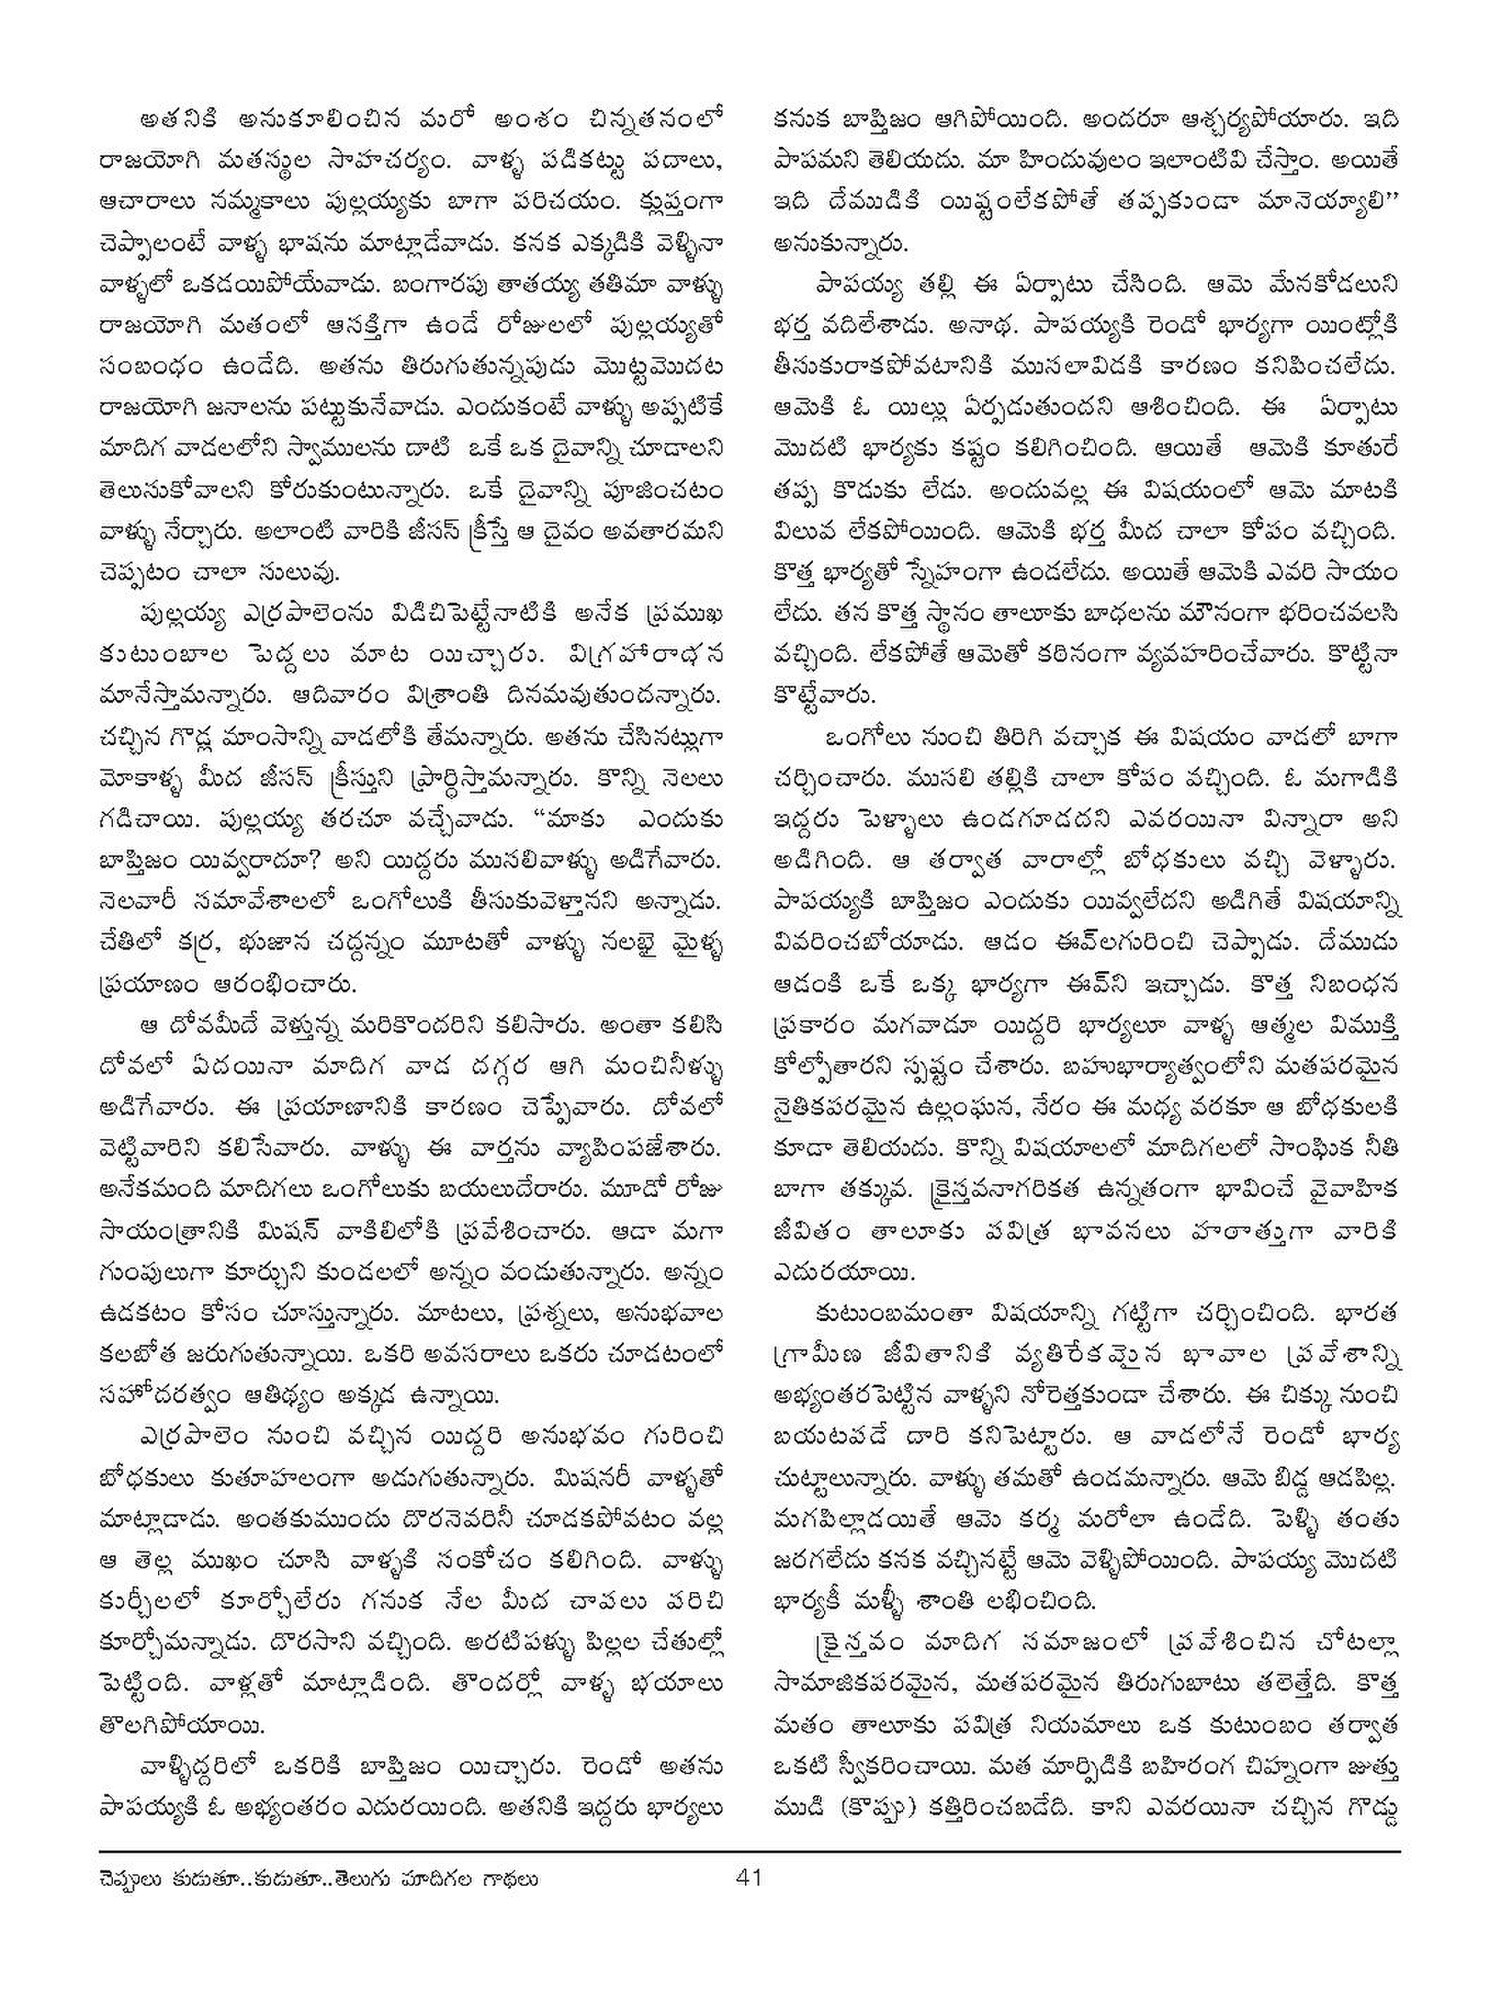అతనికి అనుకూలించిన మరో అంశం చిన్నతనంలో రాజయోగి మతస్థుల సాహచర్యం. వాళ్ళ పడికట్టు పదాలు, ఆచారాలు నమ్మకాలు పుల్లయ్యకు బాగా పరిచయం. క్లుప్తంగా చెప్పాలంటే వాళ్ళ భాషను మాట్లాడేవాడు. కనక ఎక్కడికి వెళ్ళినా వాళ్ళలో ఒకడయిపోయేవాడు. బంగారపు తాతయ్య తతిమా వాళ్ళు రాజయోగి మతంలో ఆసక్తిగా ఉండే రోజులలో పుల్లయ్యతో సంబంధం ఉండేది. అతను తిరుగుతున్నపుడు మొట్టమొదట రాజయోగి జనాలను పట్టుకునేవాడు. ఎందుకంటే వాళ్ళు అప్పటికే మాదిగ వాడలలోని స్వాములను దాటి ఒకే ఒక దైవాన్ని చూడాలని తెలుసుకోవాలని కోరుకుంటున్నారు. ఒకే దైవాన్ని పూజించటం వాళ్ళు నేర్చారు. అలాంటి వారికి జీసస్ క్రీస్తే ఆ దైవం అవతారమని చెప్పటం చాలా సులువు.

పుల్లయ్య ఎర్రపాలెంను విడిచిపెట్టేనాటికి అనేక ప్రముఖ కుటుంబాల పెద్దలు మాట యిచ్చారు. విగ్రహారాధన
మానేస్తామన్నారు. ఆదివారం విశ్రాంతి దినమవుతుందన్నారు. చచ్చిన గొడ్ల మాంసాన్ని వాడలోకి తేమన్నారు. అతను చేసినట్లుగా మోకాళ్ళ మీద జీసస్ క్రీస్తుని ప్రార్ధిస్తామన్నారు. కొన్ని నెలలు గడిచాయి. పుల్లయ్య తరచూ వచ్చేవాడు. "మాకు ఎందుకు బాప్తిజం యివ్వరాదూ? అని యిద్దరు ముసలివాళ్ళు అడిగేవారు. నెలవారీ సమావేశాలలో ఒంగోలుకి తీసుకువెళ్తానని అన్నాడు. చేతిలో కర్ర, భుజాన చద్దన్నం మూటతో వాళ్ళు నలభై మైళ్ళ ప్రయాణం ఆరంభించారు.

ఆ దోవమీదే వెళ్తున్న మరికొందరిని కలిసారు. అంతా కలిసి దోవలో ఏదయినా మాదిగ వాడ దగ్గర ఆగి మంచినీళ్ళు అడిగేవారు. ఈ ప్రయాణానికి కారణం చెప్పేవారు. దోవలో వెట్టివారిని కలిసేవారు. వాళ్ళు ఈ వార్తను వ్యాపింపజేశారు. అనేకమంది మాదిగలు ఒంగోలుకు బయలుదేరారు. మూడో రోజు సాయంత్రానికి మిషన్ వాకిలిలోకి ప్రవేశించారు. ఆడా మగా గుంపులుగా కూర్చుని కుండలలో అన్నం వండుతున్నారు. అన్నం ఉడకటం కోసం చూస్తున్నారు. మాటలు, ప్రశ్నలు, అనుభవాల కలబోత జరుగుతున్నాయి. ఒకరి అవసరాలు ఒకరు చూడటంలో సహోదరత్వం ఆతిథ్యం అక్కడ ఉన్నాయి.

ఎర్రపాలెం నుంచి వచ్చిన యిద్దరి అనుభవం గురించి బోధకులు కుతూహలంగా అడుగుతున్నారు. మిషనరీ వాళ్ళతో మాట్లాడాడు. అంతకుముందు దొరనెవరినీ చూడకపోవటం వల్ల ఆ తెల్ల ముఖం చూసి వాళ్ళకి సంకోచం కలిగింది. వాళ్ళు కుర్చీలలో కూర్చోలేరు గనుక నేల మీద చాపలు పరిచి కూర్చోమన్నాడు. దొరసాని వచ్చింది. అరటిపళ్ళు పిల్లల చేతుల్లో పెట్టింది. వాళ్లతో మాట్లాడింది. తొందర్లో వాళ్ళ భయాలు
తొలగిపోయాయి.

వాళ్ళిద్దరిలో ఒకరికి బాప్తిజం యిచ్చారు. రెండో అతను పాపయ్యకి ఓ అభ్యంతరం ఎదురయింది. అతనికి ఇద్దరు భార్యలు కనుక బాప్తిజం ఆగిపోయింది. అందరూ ఆశ్చర్యపోయారు. ఇది పాపమని తెలియదు. మా హిందువులం ఇలాంటివి చేస్తాం. అయితే ఇది దేముడికి యిష్టంలేకపోతే తప్పకుండా మానెయ్యాలి"
అనుకున్నారు.

పాపయ్య తల్లి ఈ ఏర్పాటు చేసింది. ఆమె మేనకోడలుని భర్త వదిలేశాడు. అనాథ. పాపయ్యకి రెండో భార్యగా యింట్లోకి తీసుకురాకపోవటానికి ముసలావిడకి కారణం కనిపించలేదు. ఆమెకి ఓ యిల్లు ఏర్పడుతుందని ఆశించింది. ఈ ఏర్పాటు మొదటి భార్యకు కష్టం కలిగించింది. అయితే ఆమెకి కూతురే
తప్ప కొడుకు లేడు. అందువల్ల ఈ విషయంలో ఆమె మాటకి విలువ లేకపోయింది. ఆమెకి భర్త మీద చాలా కోపం వచ్చింది. కొత్త భార్యతో స్నేహంగా ఉండలేదు. అయితే ఆమెకి ఎవరి సాయం లేదు. తన కొత్త స్థానం తాలూకు బాధలను మౌనంగా భరించవలసి వచ్చింది. లేకపోతే ఆమెతో కఠినంగా వ్యవహరించేవారు. కొట్టినా కొట్టేవారు.

ఒంగోలు నుంచి తిరిగి వచ్చాక ఈ విషయం వాడలో బాగా చర్చించారు. ముసలి తల్లికి చాలా కోపం వచ్చింది. ఓ మగాడికి ఇద్దరు పెళ్ళాలు ఉండగూడదని ఎవరయినా విన్నారా అని అడిగింది. ఆ తర్వాత వారాల్లో బోధకులు వచ్చి వెళ్ళారు. పాపయ్యకి బాప్తిజం ఎందుకు యివ్వలేదని అడిగితే విషయాన్ని
వివరించబోయాడు. ఆడం ఈవ్‌లగురించి చెప్పాడు. దేముడు ఆడంకి ఒకే ఒక్క భార్యగా ఈవ్‌ని ఇచ్చాడు. కొత్త నిబంధన ప్రకారం మగవాడూ యిద్దరి భార్యలూ వాళ్ళ ఆత్మల విముక్తి కోల్పోతారని స్పష్టం చేశారు. బహుభార్యాత్వంలోని మతపరమైన నైతికపరమైన ఉల్లంఘన, నేరం ఈ మధ్య వరకూ ఆ బోధకులకి కూడా తెలియదు. కొన్ని విషయాలలో మాదిగలలో సాంఘిక నీతి బాగా తక్కువ. క్రైస్తవనాగరికత ఉన్నతంగా భావించే వైవాహిక జీవితం తాలూకు పవిత్ర భావనలు హఠాత్తుగా వారికి ఎదురయాయి.

కుటుంబమంతా విషయాన్ని గట్టిగా చర్చించింది. భారత గ్రామీణ జీవితానికి వ్యతిరేకమైన భావాల ప్రవేశాన్ని
అభ్యంతరపెట్టిన వాళ్ళని నోరెత్తకుండా చేశారు. ఈ చిక్కు నుంచి బయటపడే దారి కనిపెట్టారు. ఆ వాడలోనే రెండో భార్య చుట్టాలున్నారు. వాళ్ళు తమతో ఉండమన్నారు. ఆమె బిడ్డ ఆడపిల్ల
మగపిల్లాడయితే ఆమె కర్మ మరోలా ఉండేది. పెళ్ళి తంతు జరగలేదు కనక వచ్చినట్టే ఆమె వెళ్ళిపోయింది. పాపయ్య మొదటి భార్యకీ మళ్ళీ శాంతి లభించింది.

క్రైస్తవం మాదిగ సమాజంలో ప్రవేశించిన చోటల్లా సామాజికపరమైన, మతపరమైన తిరుగుబాటు తలెత్తేది. కొత్తమతం తాలూకు పవిత్ర నియమాలు ఒక కుటుంబం తర్వాత ఒకటి స్వీకరించాయి. మత మార్పిడికి బహిరంగ చిహ్నంగా జుత్తుముడి (కొప్పు) కత్తిరించబడేది. కాని ఎవరయినా చచ్చిన గొడ్డు